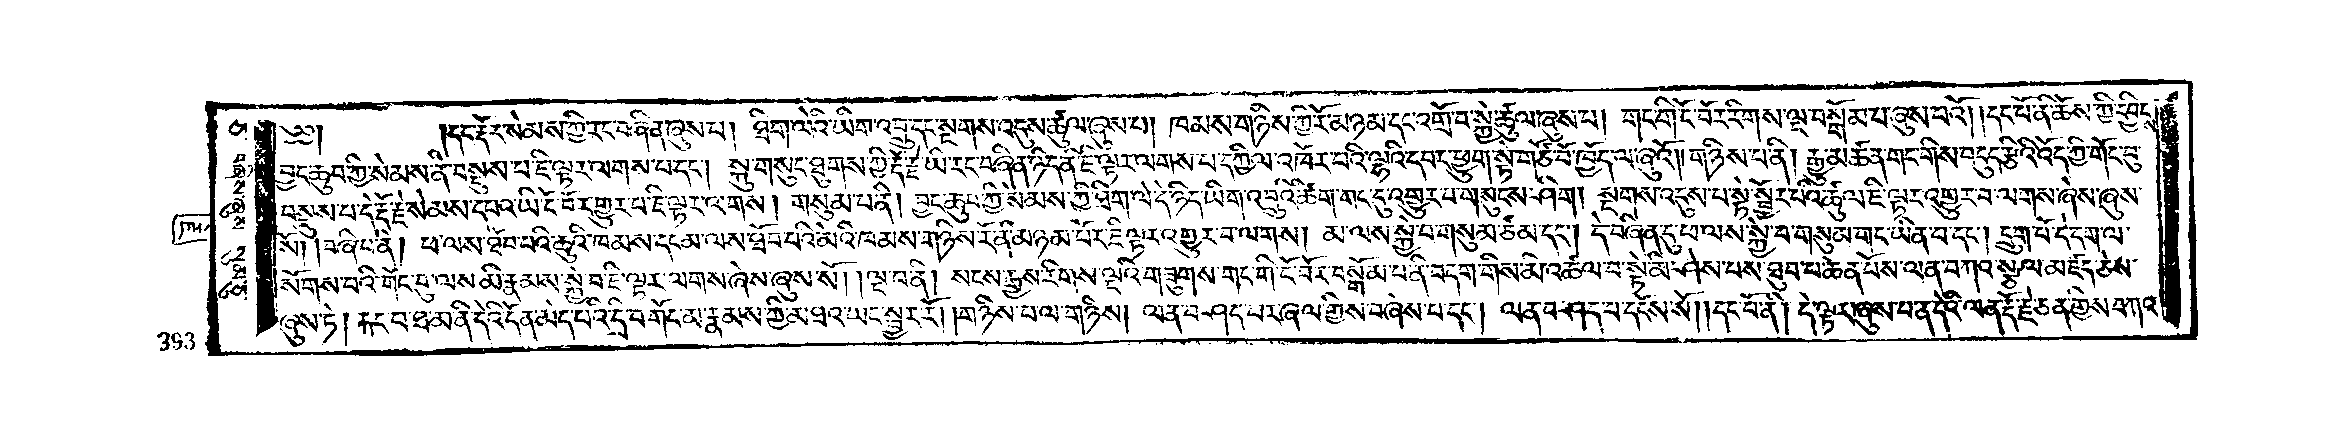༄༅། །དང་རྡོར་སེམས་ཀྱི་རང་བཞིན་ཞུས་པ། ཐིག་ལེའི་ཡིག་འབྲུ་དང་སྔགས་འདུས་ཚུལ་ཞུས་པ། ཁམས་གཉིས་ཀྱི་རོ་མཉམ་དང་འགྲོ་བ་སྐྱེ་ཚུལ་ཞུས་པ། གང་གི་ངོ་བོར་རིགས་ལྔ་བསྒོམ་པ་ཞུས་པའོ། །དང་པོ་ནི་ཆོས་ཀྱི་དབྱིངས་
བྱང་ཆུབ་ཀྱི་སེམས་ནི་བསྡུས་པ་ཇི་ལྟར་ལགས་པ་དང་། སྐུ་གསུང་ཐུགས་ཀྱི་རྡོ་རྗེ་ཡི་རང་བཞིན་ཉིད་ནི་ཇི་ལྟར་ལགས་པ་དཀྱིལ་འཁོར་པའི་ལྷའི་དབང་ཕྱུག་སྟེ་གཙོ་བོ་ཁྱོད་ལ་ཞུའོ། །གཉིས་པ་ནི། རྒྱུ་མཚན་གང་གིས་བདུད་རྩིའི་འོད་ཀྱི་གོང་བུ་
བསྡུས་པ་དེ་རྡོ་རྗེ་སེམས་དཔའ་ཡི་ངོ་བོར་གྱུར་པ་ཇི་ལྟར་ལགས། གསུམ་པ་ནི། བྱང་ཆུབ་ཀྱི་སེམས་ཀྱི་ཐིག་ལེ་དེ་ཉིད་ཡིག་འབྲུའི་ཚིག་གང་དུ་འགྱུར་བ་གསུངས་ཤིག །སྔགས་འདུས་པ་སྟེ་སྦྱོར་བའི་ཚུལ་ཇི་ལྟར་འགྱུར་བ་ལགས་ཞེས་ཞུས་
སོ། །བཞི་པ་ནི། ཕ་ལས་ཐོབ་པའི་ཆུའི་ཁམས་དང་མ་ལས་ཐོབ་པའི་མེའི་ཁམས་གཉིས་རོ་ནི་མཉམ་པོར་ཇི་ལྟར་འགྱུར་བ་ལགས། མ་ལས་སྐྱེ་བ་གསུམ་ཙམ་དང་། དེ་བཞིན་དུ་ཕ་ལས་སྐྱེ་བ་གསུམ་གང་ཡིན་པ་དང་། དྲུག་པོ་དེ་དག་ལ་
སོགས་པའི་གོང་བུ་ལས་མི་རྣམས་སྐྱེ་བ་ཇི་ལྟར་ལགས་ཞེས་ཞུས་སོ། །ལྔ་པ་ནི། སངས་རྒྱས་རིགས་ལྔའི་གཟུགས་གང་གི་ངོ་བོར་བསྒོམ་པ་ནི་བདག་གིས་མི་འཚལ་བ་སྟེ་མི་ཤེས་པས་ཐུབ་པ་ཆེན་པོས་ལན་བཀའ་སྩལ་མཛོད་ཅེས་
ཞུས་ཏེ། རྐང་པ་ཐ་མ་ནི་དེའི་དོན་མེད་པའི་དྲི་བ་གོང་མ་རྣམས་ཀྱི་མཐའ་ཡང་སྦྱར་རོ། །གཉིས་པ་ལ་གཉིས། ལན་བཤད་པར་ཞལ་གྱིས་བཞེས་པ་དང་། ལན་བཤད་པ་དངོས་སོ། །དང་པོ་ནི། དེ་ལྟར་ཞུས་པ་ན་དེའི་ལན་རྡོ་རྗེ་ཅན་གྱིས་བཀའ་